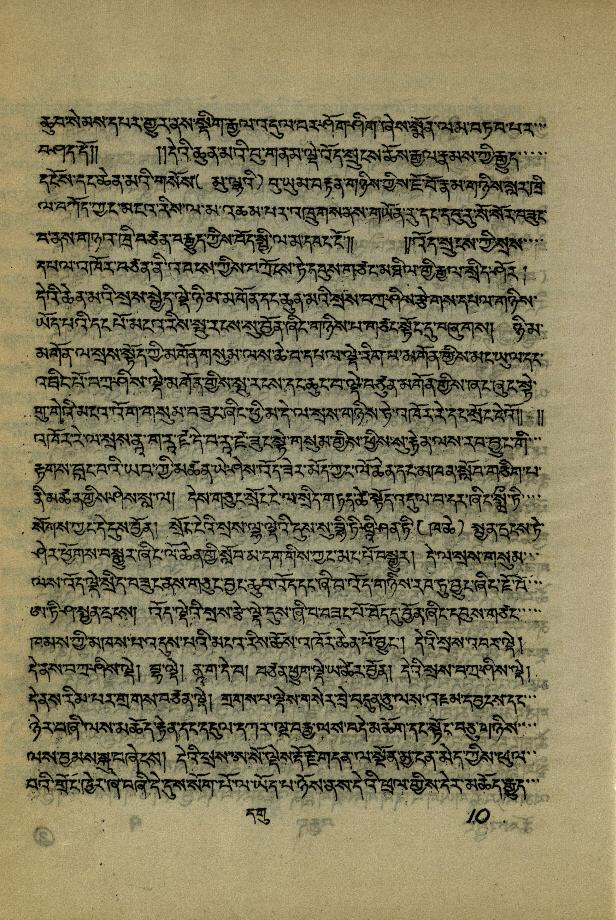ཆུབ་སེམས་དཔར་གྱུར་ནས་སྡིག་རྒྱལ་འདུལ་བར་ཤོག་ཤིག་ཞེས་སྨོན་ལམ་བཏབ་པར་
བཤད་དོ།། །།དེའི་ཆུན་མའི་བུ་གནམ་ལྡེ་འོད་སྲུངས་ཆོས་རྒྱལ་རྣམས་ཀྱི་རྒྱུད་
དངོས་དང་ཆེན་མའི་གསོས་མུ་ལྷའི་བུ་ཡུམ་བརྟན་གཉིས་ཀྱིས་ཇོ་བོ་རྣམ་གཉིས་སླར་ཁྲི་
ལ་བཀོད་ཀྱང་མངའ་རིས་ལ་མ་འཆམ་པར་འཁྲུགས་ནས་གཡོན་རུ་དང་དབུ་རུ་སོ་སོར་བཟུང་
བ་ནས་གཉའ་ཁྲི་བཙན་བརྒྱུད་ཀྱིས་བོད་སྤྱི་ལ་མ་དབང་ངོ།། །།འོད་སྲུངས་ཀྱི་སྲས་
དཔལ་འཁོར་བཙན་ནི་འབངས་ཀྱིས་བཀྲོངས་ཏེ་དབུས་གཙང་མཐིལ་གྱི་རྒྱལ་སྲིད་ཤོར།
དེའི་ཆེན་མའི་སྲས་སྐྱེད་ལྡེ་ཉི་མ་མགོན་དང་ཆུན་མའི་སྲས་བཀྲ་ཤིས་རྩེགས་དཔལ་གཉིས་
ཡོད་པའི་དང་པོ་མངའ་རིས་སྦུ་རངས་སུ་བྱོན་ཞིང་གཉིས་པ་གཙང་སྟོང་དུ་བཞུགས། ཉི་མ་
མགོན་ལ་སྲས་སྟོད་ཀྱི་མགོན་གསུམ་ལས་ཆེ་བ་དཔལ་ལྡེ་རིག་པ་མགོན་གྱིས་མང་ཡུལ་དང་
འཐིང་པོ་བཀར་ཤིས་ལྡེ་མགོན་གྱིས་སྦུ་རངས་དང་ཆུང་བ་ལྡེ་བཙུན་མགོན་གྱིས་ཞང་ཞུང་སྟེ་
གུ་གེའི་མངའ་འོག་གསུམ་བཟུང་ཞིང་ཕྱི་མ་དེ་ལ་སྲས་གཉིས་ཏེ་འཁོར་རེ་དང་སྲོང་དེའོ།། །།
འཁོར་རེ་ལ་སྲས་ནཱ་ག་རཱ་ཛ་དེ་བ་རཱ་ཛ་ཟུང་སྟེ་གསུམ་གྱིས་ཕྱིས་སུ་རྟེན་ལས་རབ་བྱུང་གི་
རྟགས་བླང་བའི་ཡབ་ཀྱི་མཚན་ཡེ་ཤེས་འོད་ཟེར་མོད་ཀྱང་ལོ་ཆེན་དང་མཁན་སློབ་གཅིག་པ་
ནི་མཚན་གྱིས་ཤེས་སླ་ལ། དེས་གཟུང་སྲོང་ངེ་ལ་སྲིད་གཏད་ཚེ་སྟོད་འདུལ་བ་དར་ཞིང་སྨྲི་ཏི་
སོགས་ཀྱང་དུ་དེས་བྱོན། སྲོང་དེའི་སྲས་ལྷ་ལྡེའི་དུས་སུ་བྷི་ཏི་ཤྲཱི་ཤན་ཏི་ཁ་ཆེ་སྦྱན་དྲངས་ཏེ་
ཤེར་ཕྱོགས་བསྒྱུར་ཞིང་ལོ་ཆེན་གྱི་སློབ་མ་དག་གིས་ཀྱང་མང་པོ་བསྒྱུར། དེ་ལ་སྲས་གསུམ་
ལས་འོད་ལྡེ་སྲིད་བཟུང་ནས་གཅུང་བྱང་ཆུབ་འོད་དང་ཞི་བ་འོད་གཉིས་རབ་ཏུ་བྱུང་ཞིང་ཇོ་བོ་
ཨ་ཏི་ཤ་སྤྱན་དྲངས། འོད་ལྡེའི་སྲས་རྩེ་ལྡེ་དུས་ཞི་བ་བཟང་པོ་བོད་དུ་བྱོན་ཞིང་དབུས་གཙང་
ཁམས་ཀྱི་མཁས་པ་འདུས་པའི་མངའ་རིས་ཆོས་འཁོར་ཆེན་པོ་བྱུང་། དེའི་སྲས་འབར་ལྡེ།
དེ་ནས་བཀྲ་ཤིས་ལྡེ། བྷ་ལྡེ། ནཱ་ག་དེ་བ། བཙན་ཕྱུག་ལྡེ་ཡ་ཚེར་བྱོན། དེའི་སྲས་བཀྲ་ཤིས་ལྡེ།
དེ་ནས་རིམ་པར་གྲགས་བཙན་ལྡེ། གྲགས་པ་ལྡེས་གསེར་བྲེ་བདུན་ཅུ་ལས་འཇམ་དབྱངས་དང་
ཉེར་བཞི་ལས་མཆོད་རྟེན་དངུལ་དཀར་ལྔ་བརྒྱ་ལས་བདེ་མཆོག་དང་སྟོང་བཅུ་གཉིས་
ལས་བྱམས་སྐུ་བཞེངས། དེའི་སྲས་ཨ་སོ་ལྡེས་རྡོ་རྗེ་གདན་ལ་སྔོན་མྱ་ངན་མེད་ཀྱིས་ཕུལ་
བའི་གྲོང་ཁྱེར་ཞ་བཞི་དེ་དུས་སོག་པོ་ལ་ཡོད་པ་ཉོས་ནས་དེའི་ཕྲལ་གྱིས་དེར་མཆོད་རྒྱུད་